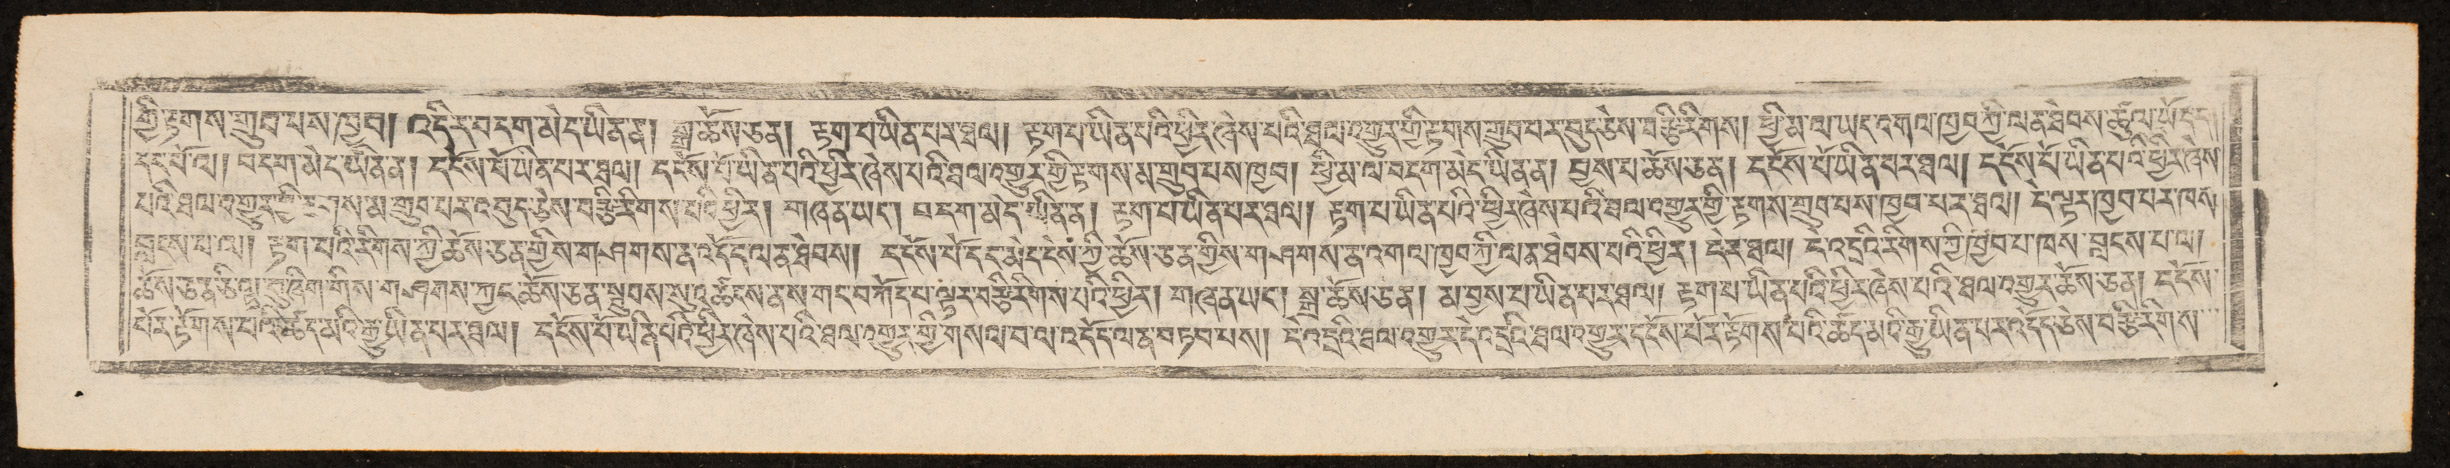གྱི་རྟགས་གྲུབ་པས་ཁྱབ། འདིར་བདག་མེད་ཡིན་ན། སྒྲ་ཆོས་ཅན། རྟག་པ་ཡིན་པར་ཐལ། རྟག་པ་ཡིན་པའི་ཕྱིར་ཞེས་པའི་ཐལ་འགྱུར་གྱི་རྟགས་གྲུབ་པར་བུད་ཅེས་བརྩི་རིགས། ཕྱི་མ་ལ་ཡང་འགལ་ཁྱབ་ཀྱི་ལན་ཐེབས་ཚུལ་ཡོད་དེ།
དང་པོ་ལ། བདག་མེད་ཡིན་ན། དངོས་པོ་ཡིན་པར་ཐལ། དངོས་པོ་ཡིན་པའི་ཕྱིར་ཞེས་པའི་ཐལ་འགྱུར་གྱི་རྟགས་མ་གྲུབ་པས་ཁྱབ། ཕྱི་མ་ལ་བདག་མེད་ཡིན་ན། བྱས་པ་ཆོས་ཅན། དངོས་པོ་ཡིན་པར་ཐལ། དངོས་པོ་ཡིན་པའི་ཕྱིར་ཞེས་
པའི་ཐལ་འགྱུར་གྱི་རྟགས་མ་གྲུབ་པར་འབུད་ཅེས་བརྩི་རིགས་པའི་ཕྱིར། གཞན་ཡང་། བདག་མེད་ཡིན་ན། རྟག་པ་ཡིན་པར་ཐལ། རྟག་པ་ཡིན་པའི་ཕྱིར་ཞེས་པའི་ཐལ་འགྱུར་གྱི་རྟགས་གྲུབ་པས་ཁྱབ་པར་ཐལ། དེ་ལྟར་ཁྱབ་པར་ཁས་
བླངས་པ་ལ། རྟག་པའི་རིགས་ཀྱི་ཆོས་ཅན་གྱིས་གཤགས་ན་འདོད་ལན་ཐེབས། དངོས་པོ་དང་མེད་ངེས་ཀྱི་ཆོས་ཅན་གྱིས་གཤགས་ན་འགལ་ཁྱབ་ཀྱི་ལན་ཐེབས་པའི་ཕྱིར། དེར་ཐལ། དེ་འདྲའི་རིགས་ཀྱི་ཁྱབ་པ་ཁས་བླངས་པ་ལ།
ཆོས་ཅན་ཅི་ལྟ་བུ་ཞིག་གིས་གཤགས་ཀྱང་ཆོས་ཅན་སྦུབས་སུ་འཚངས་ནས་གང་བཀོད་པ་ལྟར་བརྩི་རིགས་པའི་ཕྱིར། གཞན་ཡང་། སྒྲ་ཆོས་ཅན། མ་བྱས་པ་ཡིན་པར་ཐལ། རྟག་པ་ཡིན་པའི་ཕྱིར་ཞེས་པའི་ཐལ་འགྱུར་ཆོས་ཅན། དངོས་
པོར་རྟོགས་པའི་ཚད་མའི་རྒྱུ་ཡིན་པར་ཐལ། དངོས་པོ་ཡིན་པའི་ཕྱིར་ཞེས་པའི་ཐལ་འགྱུར་གྱི་གསལ་བ་ལ་འདོད་ལན་བཏབ་པས། དེ་འདྲའི་ཐལ་འགྱུར་དེ་འདྲའི་ཐལ་འགྱུར་དངོས་པོར་རྟོགས་པའི་ཚད་མའི་རྒྱུ་ཡིན་པར་འདོད་ཅེས་བརྩི་རིགས་